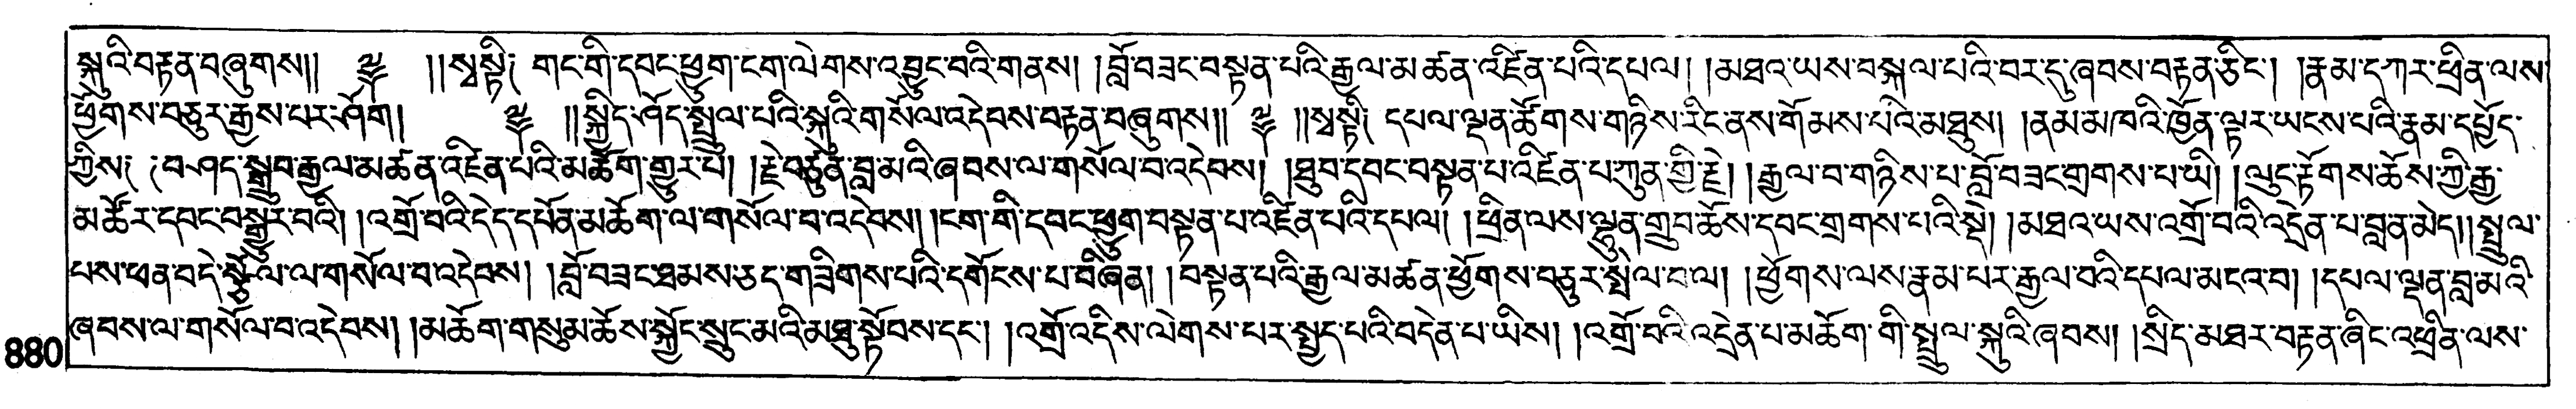སྐུའི་བརྟན་བཞུགས།། ༈ །།སྭསྟི༑ གང་གི་དབང་ཕྱུག་ངག་ལེགས་འབྱུང་བའི་གནས། །བློ་བཟང་བསྟན་པའི་རྒྱལ་མཚན་འཛིན་པའི་དཔལ། །མཐའ་ཡས་བསྐལ་པའི་བར་དུ་ཞབས་བརྟན་ཅིང་། །རྣམ་དཀར་ཕྲིན་ལས་
ཕྱོགས་བཅུར་རྒྱས་པར་ཤོག ། ༈ །།སྐྱིད་ཤོད་སྤྲུལ་པའི་སྐུའི་གསོལ་འདེབས་བརྟན་བཞུགས།། ༈ །།སྭ་སྟི༑ དཔལ་ལྡན་ཚོགས་གཉིས་རིང་ནས་གོམས་པའི་མཐུས། །ནམ་མཁའི་ཁྱོན་ལྟར་ཡངས་པའི་རྣམ་དཔྱོད་
ཀྱིས༑ ༑བཤད་སྒྲུབ་རྒྱལ་མཚན་འཛིན་པའི་མཆོག་གྱུར་པ། །རྗེ་བཙུན་བླ་མའི་ཞབས་ལ་གསོལ་བ་འདེབས། །ཐུབ་དབང་བསྟན་པ་འཛིན་པ་ཀུན་གྱི་རྗེ། །རྒྱལ་བ་གཉིས་པ་བློ་བཟང་གྲགས་པ་ཡི། །ལུང་རྟོགས་ཆོས་ཀྱི་རྒྱ་
མཚོར་དབང་བསྒྱུར་བའི། །འགྲོ་བའི་དེད་དཔོན་མཆོག་ལ་གསོལ་བ་འདེབས། །ངག་གི་དབང་ཕྱུག་བསྟན་པ་འཛིན་པའི་དཔལ། །ཕྲིན་ལས་ལྷུན་གྲུབ་ཆོས་དབང་གྲགས་པའི་སྡེ། །མཐའ་ཡས་འགྲོ་བའི་འདྲེན་པ་བླ་ན་མེད། །སྤྲུལ་
པས་ཕན་བདེ་སྩོལ་ལ་གསོལ་བ་འདེབས། །བློ་བཟང་ཐམས་ཅད་གཟིགས་པའི་དགོངས་པ་བཞིན། །བསྟན་པའི་རྒྱལ་མཚན་ཕྱོགས་བཅུར་སྤེལ་བ་ལ། །ཕྱོགས་ལས་རྣམ་པར་རྒྱལ་བའི་དཔལ་མངའ་བ། །དཔལ་ལྡན་བླ་མའི་
ཞབས་ལ་གསོལ་བ་འདེབས། །མཆོག་གསུམ་ཆོས་སྐྱོང་སྲུང་མའི་མཐུ་སྟོབས་དང་། །འགྲོ་འདིས་ལེགས་པར་སྤྱད་པའི་བདེན་པ་ཡིས། །འགྲོ་བའི་འདྲེན་པ་མཆོག་གི་སྤྲུལ་སྐུའི་ཞབས། །སྲིད་མཐར་བརྟན་ཞིང་འཕྲིན་ལས་